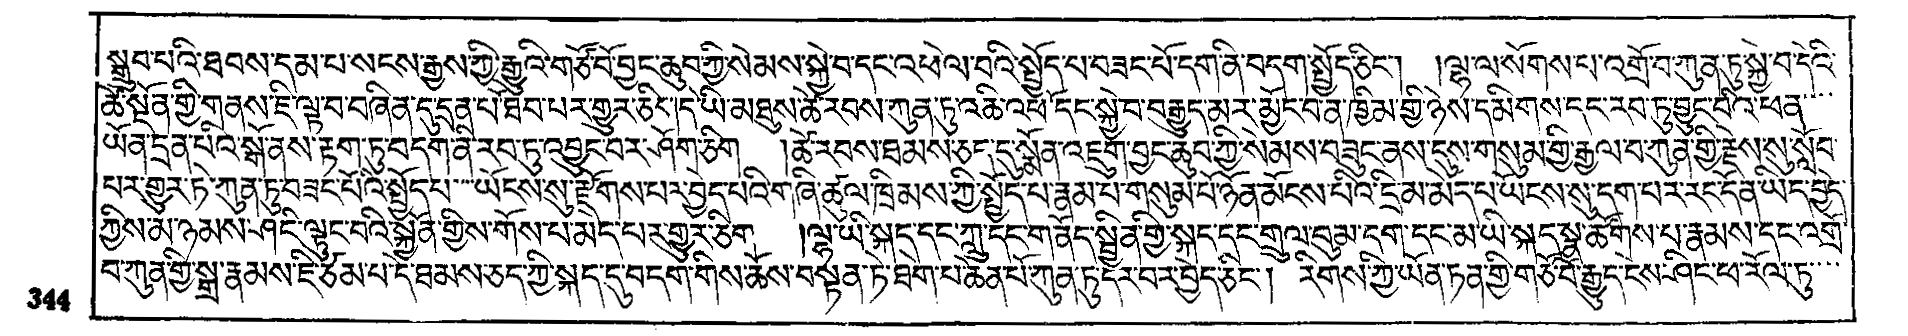སྒྲུབ་པའི་ཐབས་དམ་པ་སངས་རྒྱས་ཀྱི་རྒྱུའི་གཙོ་བོ་བྱང་ཆུབ་ཀྱི་སེམས་སྐྱེ་བ་དང་འཕེལ་བའི་སྤྱོད་པ་བཟང་པོ་དག་ནི་བདག་སྤྱོད་ཅིང་། །ལྷ་ལ་སོགས་པ་འགྲོ་བ་ཀུན་ཏུ་སྐྱེ་བ་དེའི་
ཚེ་སྔོན་གྱི་གནས་ཇི་ལྟ་བ་བཞིན་དུ་དྲན་པོ་ཐབ་པར་གྱུར་ཅིང་། དེ་ཡི་མཐུས་ཚེ་རབས་ཀུན་ཏུ་འཆི་འཕོ་དང་སྐྱེ་བ་བརྒྱུད་མར་མྱོང་བ་ན་ཁྱིམ་གྱི་ཉེས་དམིགས་དང་རབ་ཏུ་བྱུང་བའི་ཕན་
ཡོན་དྲན་པའི་སྒོ་ནས་རྟག་ཏུ་བདག་ནི་རབ་ཏུ་འབྱུང་བར་ཤོག་ཅིག །ཚེ་རབས་ཐམས་ཅད་དུ་སྨོན་འཇུག་བྱང་ཆུབ་ཀྱི་སེམས་བཟུང་ནས་དུས་གསུམ་གྱི་རྒྱལ་བ་ཀུན་གྱི་རྗེས་སུ་སློབ་
པར་གྱུར་ཏེ་ཀུན་ཏུ་བཟང་པོའི་སྤྱོད་པ་ཡོངས་སུ་རྫོགས་པར་བྱེད་པའི་གཞི་ཚུལ་ཁྲིམས་ཀྱི་སྤྱོད་པ་རྣམ་པ་གསུམ་པོ་ཉོན་མོངས་པའི་དྲི་མ་མེད་པ་ཡོངས་སུ་དག་པར་རང་དོན་ཡིད་བྱེད་
ཀྱིས་མ་ཉམས་ཤིང་ལྟུང་བའི་སྐྱོན་གྱིས་གོས་པ་མེད་པར་གྱུར་ཅིག །ལྷ་ཡི་སྐད་དང་ཀླུ་དང་གནོད་སྦྱིན་གྱི་སྐད་དང་གྲུལ་བུམ་དག་དང་མ་ཡི་སྐད་སྣ་ཚོགས་པ་རྣམས་དང་འགྲོ་
བ་ཀུན་གྱི་སྒྲ་རྣམས་ཇི་ཙམ་པ་དེ་ཐམས་ཅད་ཀྱི་སྐད་དུ་བདག་གིས་ཆོས་བསྟན་ཏེ་ཐེག་པ་ཆེན་པོ་ཀུན་ཏུ་དར་པར་བྱེད་ཅིང་། རིགས་ཀྱི་ཡོན་ཏན་གྱི་གཙོ་བོ་རྒྱུད་ངེས་ཤིང་ཕ་རོལ་ཏུ་